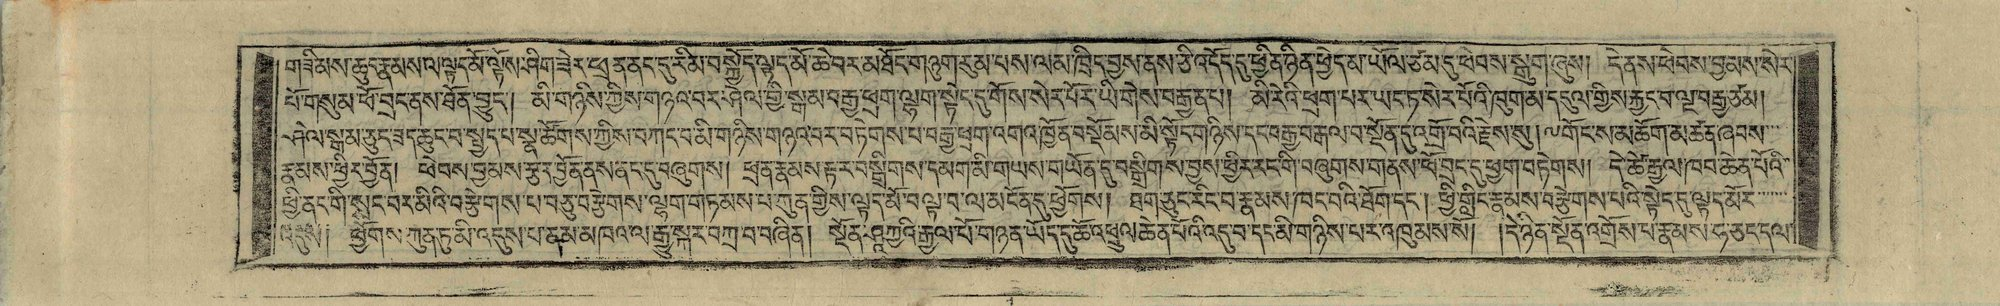གཟིམས་ཆུང་རྣམས་ལ་ལྟད་མོ་ལྟོས་ཤིག་ཟེར་ཕྲན་ནང་དུ་རིམ་བསྐྱོད་ལྟད་མོ་ཆེ་བར་མཐོང་གཉུག་རུམ་པས་ལམ་ཁྲིད་བྱས་ནས་ཅི་འདོད་དུ་ཕྱིན་ཉིན་ཕྱེད་མ་ཡོལ་ཙམ་དུ་ཕེབས་སྒུག་ཞུས། དེ་ནས་ཕེབས་བྱམས་སེར་
པོ་གསུམ་ཕོ་བྲང་ནས་ཐོན་བྱུང་། མི་གཉིས་ཀྱིས་གཉའ་བར་ཤེལ་གྱི་སྒམ་བརྒྱ་ཕྲག་ལྷག་སྟེང་དུ་གོས་སེར་པོར་ཡི་གེས་བརྒྱན་པ། མི་རེའི་ཕྲག་པར་ཡང་ཏ་སེར་པོའི་ཁུག་མ་དངུལ་གྱིས་རྐྱང་བ་ལྔ་བརྒྱ་ཙམ།
ཤེལ་སྒམ་ཅུང་ཟད་ཆུང་བ་སྤྱད་པ་སྣ་ཚོགས་ཀྱིས་བཀང་བ་མི་གཉིས་གཉའ་བར་བཏེགས་པ་བརྒྱ་ཕྲག་འགའ་ཁྱོན་བསྡོམས་མི་སྟོང་གཉིས་དང་བརྒྱ་བརྒལ་བ་སྔོན་དུ་འགྲོ་བའི་རྗེས་སུ། ༧་གོང་ས་མཆོག་མཚན་ཞབས་
རྣམས་ཕྱིར་བྱོན། ཕེབས་བྱམས་རྩར་བྱོན་ནས་ནང་དུ་བཞུགས། ཕྲན་རྣམས་རྟར་བསྒྲིགས་དམག་མི་གཡས་གཡོན་དུ་བསྒྲིགས་བྱས་ཕྱིར་རང་གི་བཞུགས་གནས་ཕོ་བྲང་དུ་ཕྱག་བཏེགས། དེ་ཚེ་རྒྱལ་ཁབ་ཆེན་པོའི་
ཕྱི་ནང་གི་སྲང་བར་མིའི་བརྩེགས་པ་བཅུ་བརྩེགས་ལྷག་གཏམས་པ་ཀུན་གྱིས་ལྟད་མོ་བལྟ་བ་ལ་མངོན་དུ་ཕྱོགས། ཐག་ཅུང་རིང་བ་རྣམས་ཁང་བའི་ཐོག་དང་། ཕྱི་གླིང་རྣམས་བརྩེགས་པའི་སྟེང་དུ་ལྟད་མོར་
འདུས། ཕྱོགས་ཀུན་ཏུ་མི་འདུས་པ་ནམ་མཁའ་ལ་རྒྱུ་སྐར་བཀྲ་བ་བཞིན། སྔོན་ཤཱཀྱའི་རྒྱལ་པོ་གཉན་ཡོད་དུ་ཆོ་འཕྲུལ་ཆེན་པོའི་འདུ་བ་དང་མི་གཉིས་པར་འཁུམས་སོ། །དེ་ཉིན་སྔོན་འགྲོས་པ་རྣམས་ཧ་ཅང་དལ་